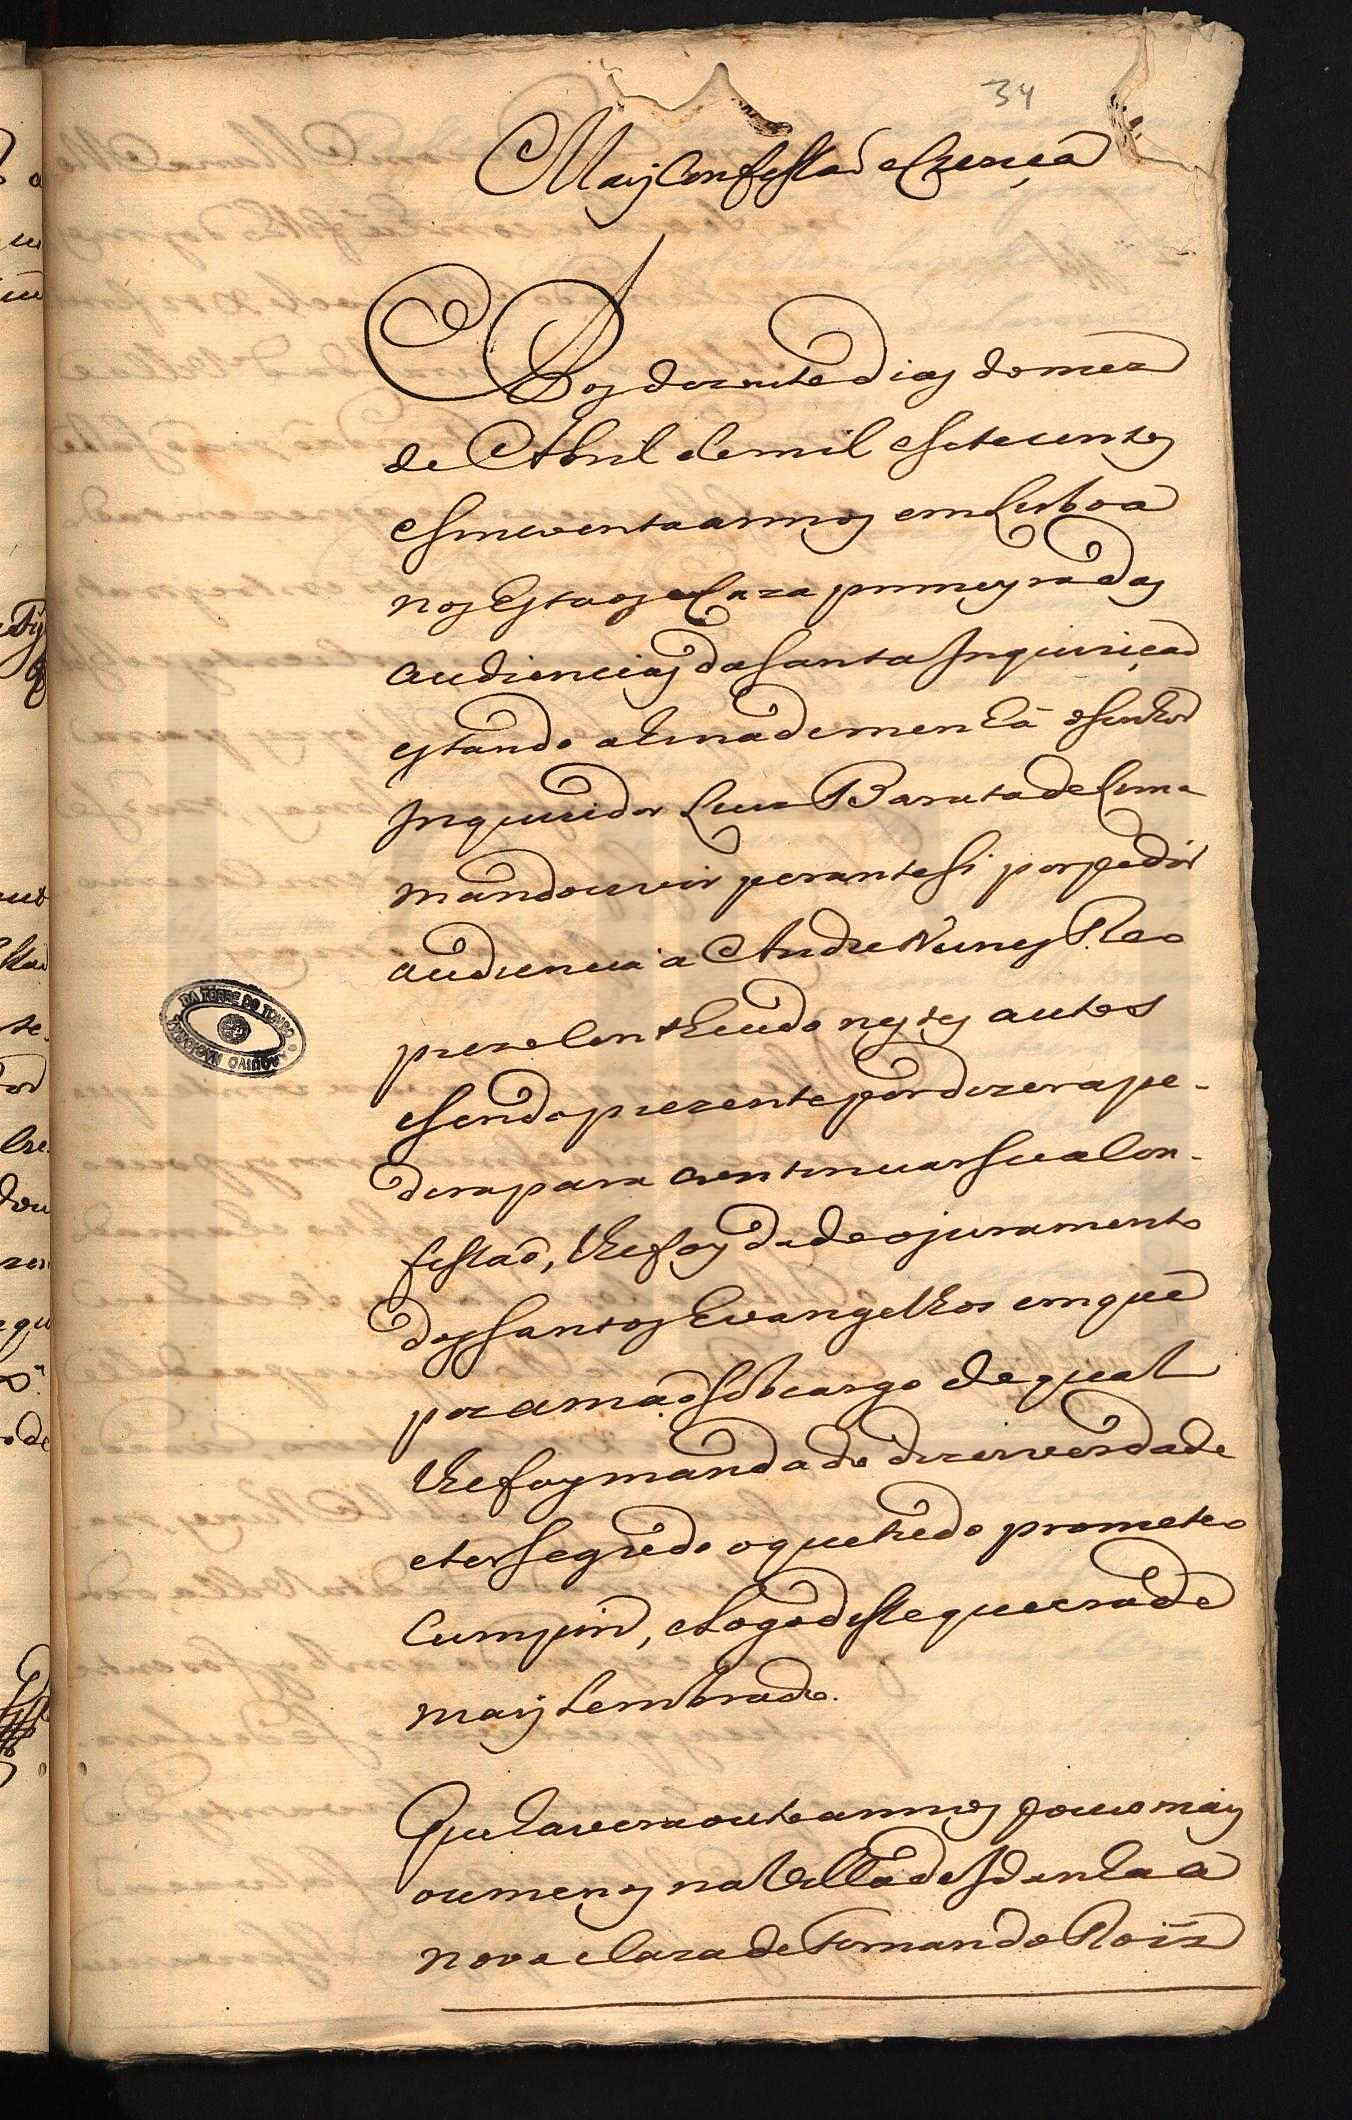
Mais Confissaõ e Crença
Aos dezouto dias do mez
de Abril de mil e setecentos
e sincoenta annos em Lisboa
nos Estaoz e Caza primeyra das
audiencias da santa Jnquiziçaõ
estando ahi na de menhã o senhor
Jnquizidor Luiz Barata de Lima
mandou vir perante si por pedir
audiencia à Andre Nunes Reo
prezo contheudo nestes autos
e sendo prezente por dizer a pe
dira para continuar sua Con
fissaõ, lhe foy dado o juramento
dos santos Evangelhos em que
poz a maõ sob cargo do qual
lhe foy mandado dizer verdade
e ter segredo o que tudo prometeo
Cumprir, e Logo disse que era de
mais Lembrado.
Que havera outo annos pouco mais
ou menos na Villa de Jdanha a
nova e Caza de Fernando Roiz̄
